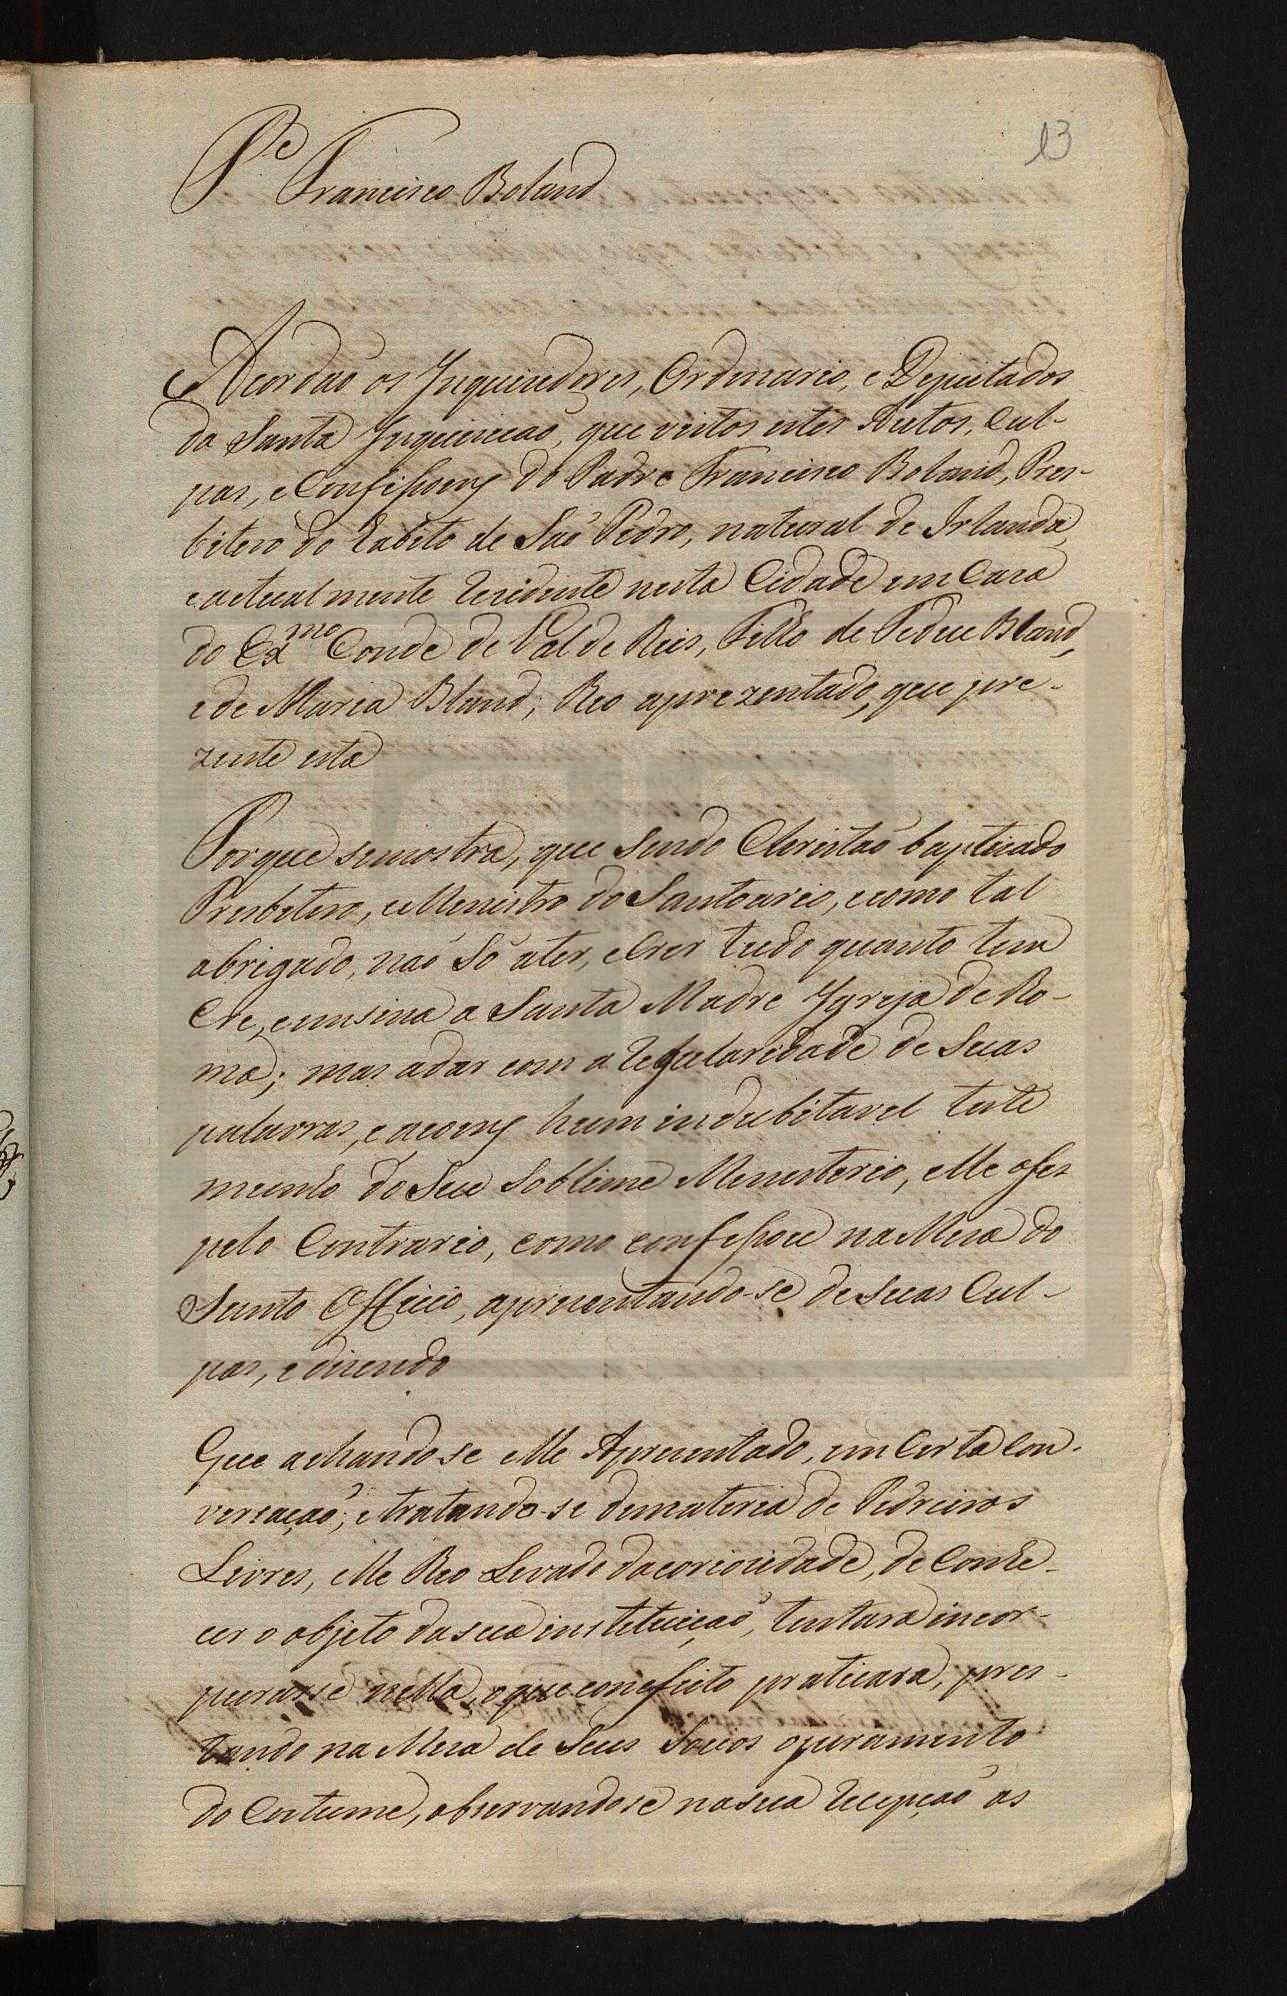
P.e Francisco Boland
Acordaõ os Jnquisidores, Ordinario, e Deputados
da Santa Jnquisicao, que vistos estes Autos, cul
pas, e Confissoens do Padre Francisco Boland, Pres
bitero do habito de Saõ Pedro, natural de Irlanda,
e actualmente Rezidente nesta Cidade em caza
do Ex.mo Conde de Val de Reis, Filho de Tedeu Bland
e de Maria Blund; Reo aprezentado, que pre
zente esta
Porque se mostra, que sendo Christaõ baptizado
Presbetero, e Menistro do Santoario, e como tal
obrigado, naõ só a ter, e crer tudo quanto tem
cre, e emsina a Santa Madre Jgreja de Ro
ma; mas a dar com a Regularidade de suas
palavras, e acoens hum indubitavel teste
munho do seu Soblime Menisterio, elle o fez
pelo Contrario, como confessou na Meza do
Santo Officio, aprezentando-se de suas cul
pas, e dizendo
Que achandose elle Aprezentado, em certa con
versaçaõ, e tratando-se de materia de Pedreiros
Livres, elle Reo Levado da coriozidade, de Conhe
cer o objeto da sua instetuiçaõ, tentara incor
purarse nella, o que com efeito praticara, pres
tando na Meza de Seus Socios o juramento
do costume, observando-se na sua Recepçaõ as
